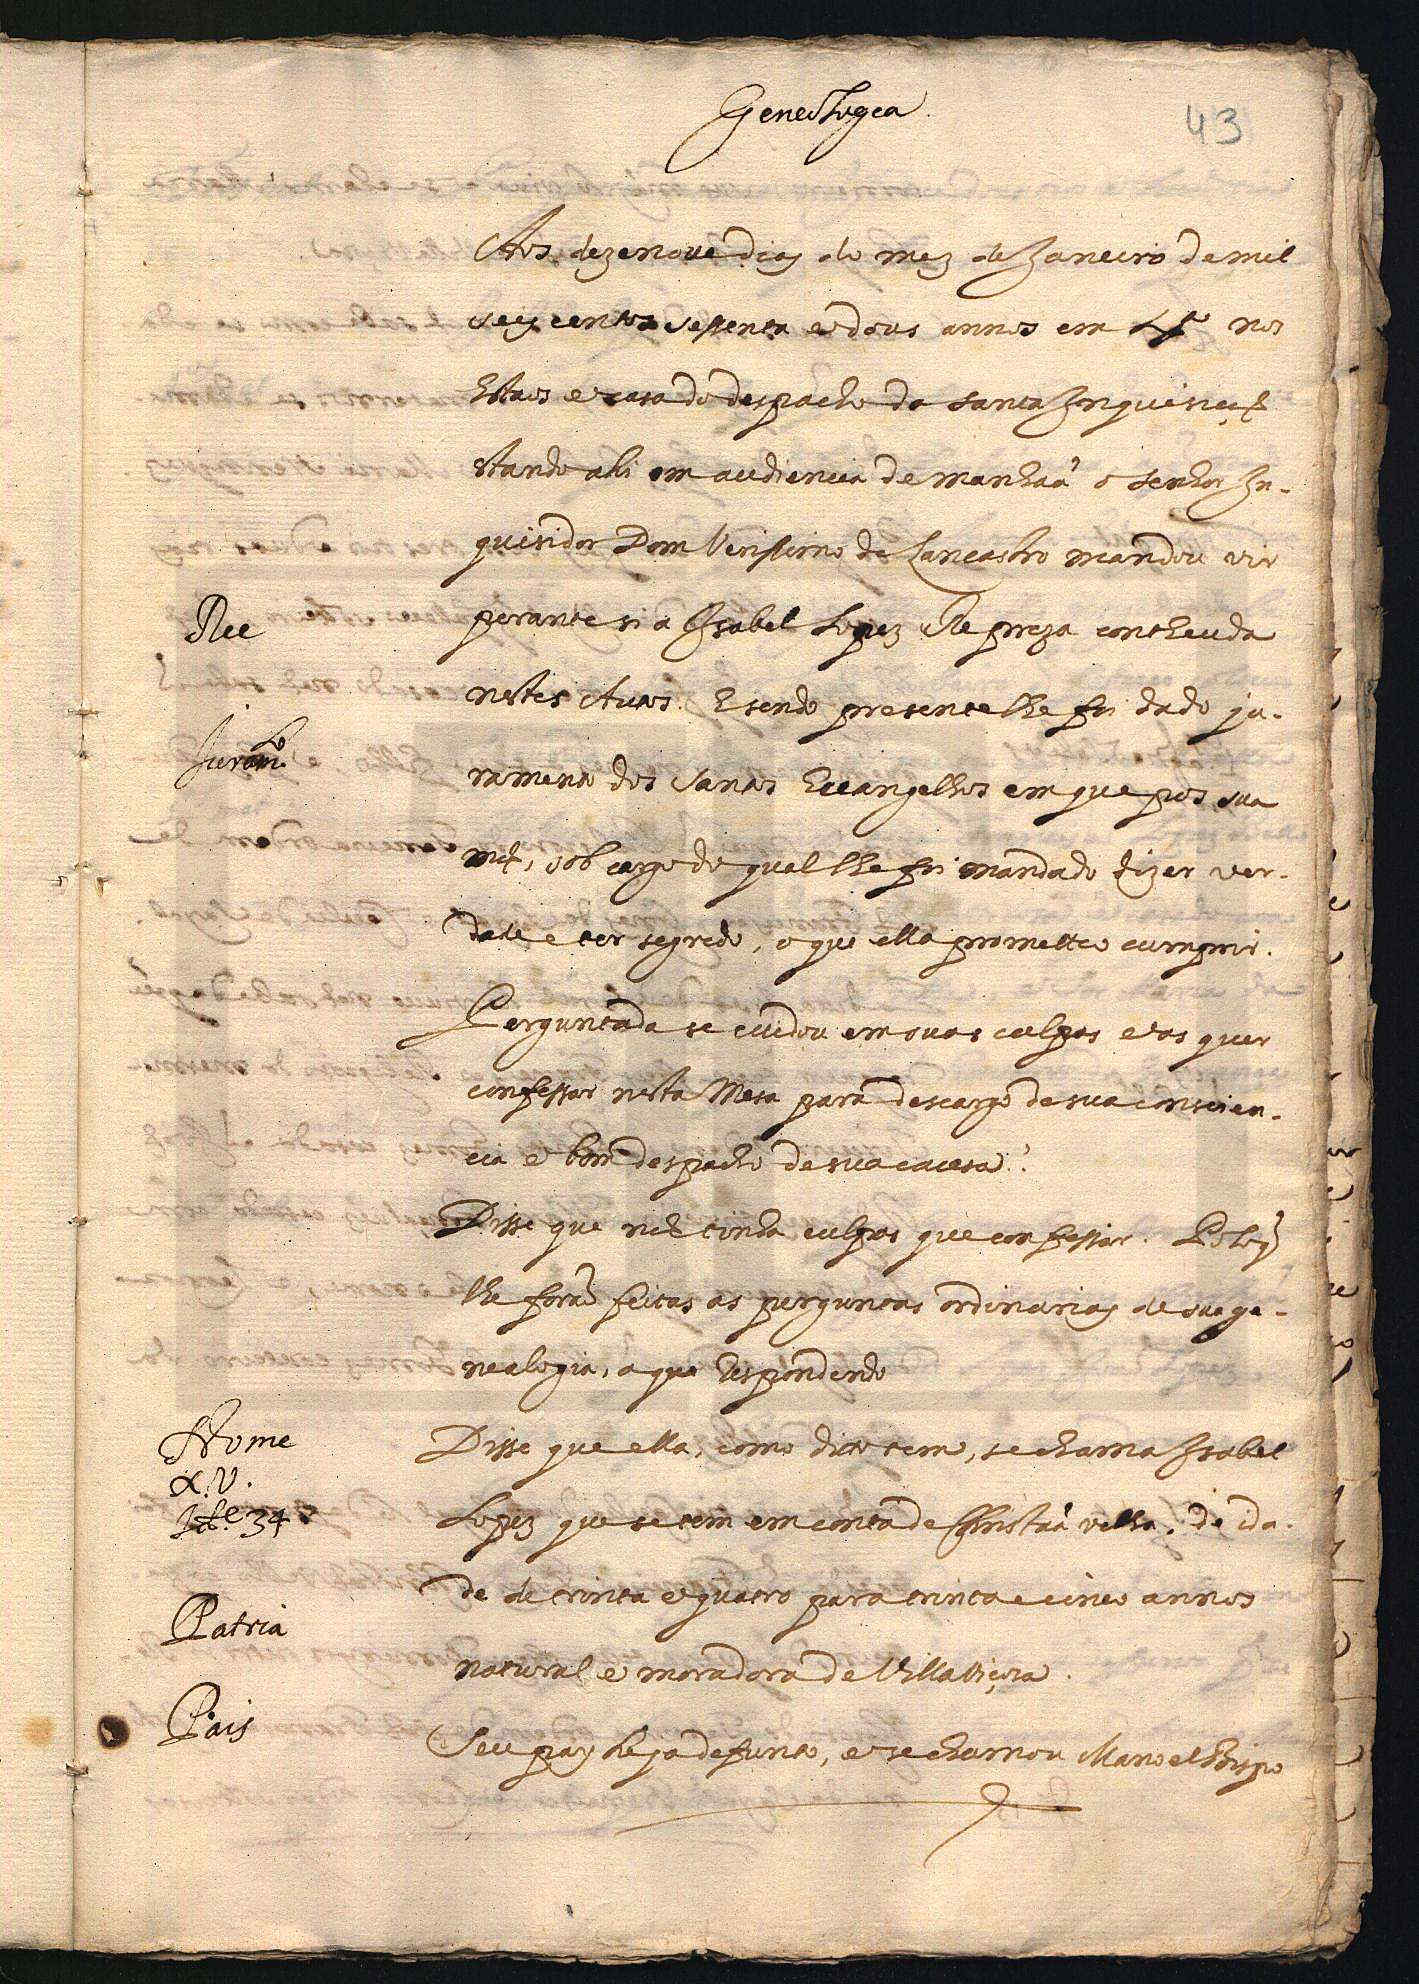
Genealogia
Aos dezenoue dias do mez de Janeiro de mil
seiscentos sessenta e dous annos em Lxa nos
Estaos e casa do despacho da santa Jnquisiçaõ
estando ahi em audiencia de manhaā o senhor Jn
quisidor Dom Verissimo de Lancastro mandou vir
perante si a Jsabel Lopez Re preza contheuda
nestes Autos. E sendo presente lhe foi dado ju
ramento dos Santos Euangelhos em que pos sua
maõ, sob cargo do qual lhe foi mandado dizer ver
dade e ter segredo, o que ella prometteo cumprir
Perguntada se cuidou em suas culpas e as quer
confessar nesta Mesa para descargo de sua conscien
cia e bom despacho de sua causa?
Disse que naõ tinha culpas que confessar. Polo q̄
lhe foraõ feitas as perguntas ordinarias de sua ge
nealogia, a que Respondendo
Disse que ella, como ditto tem, se chama Jsabel
Lopez que se tem em conta de Christaā velha, de ida
de de trinta e quatro para trinta e cinco annos
natural e moradora de Villa viçosa
Seu pay he ja defunto, e se chamou Manoel Bispo
